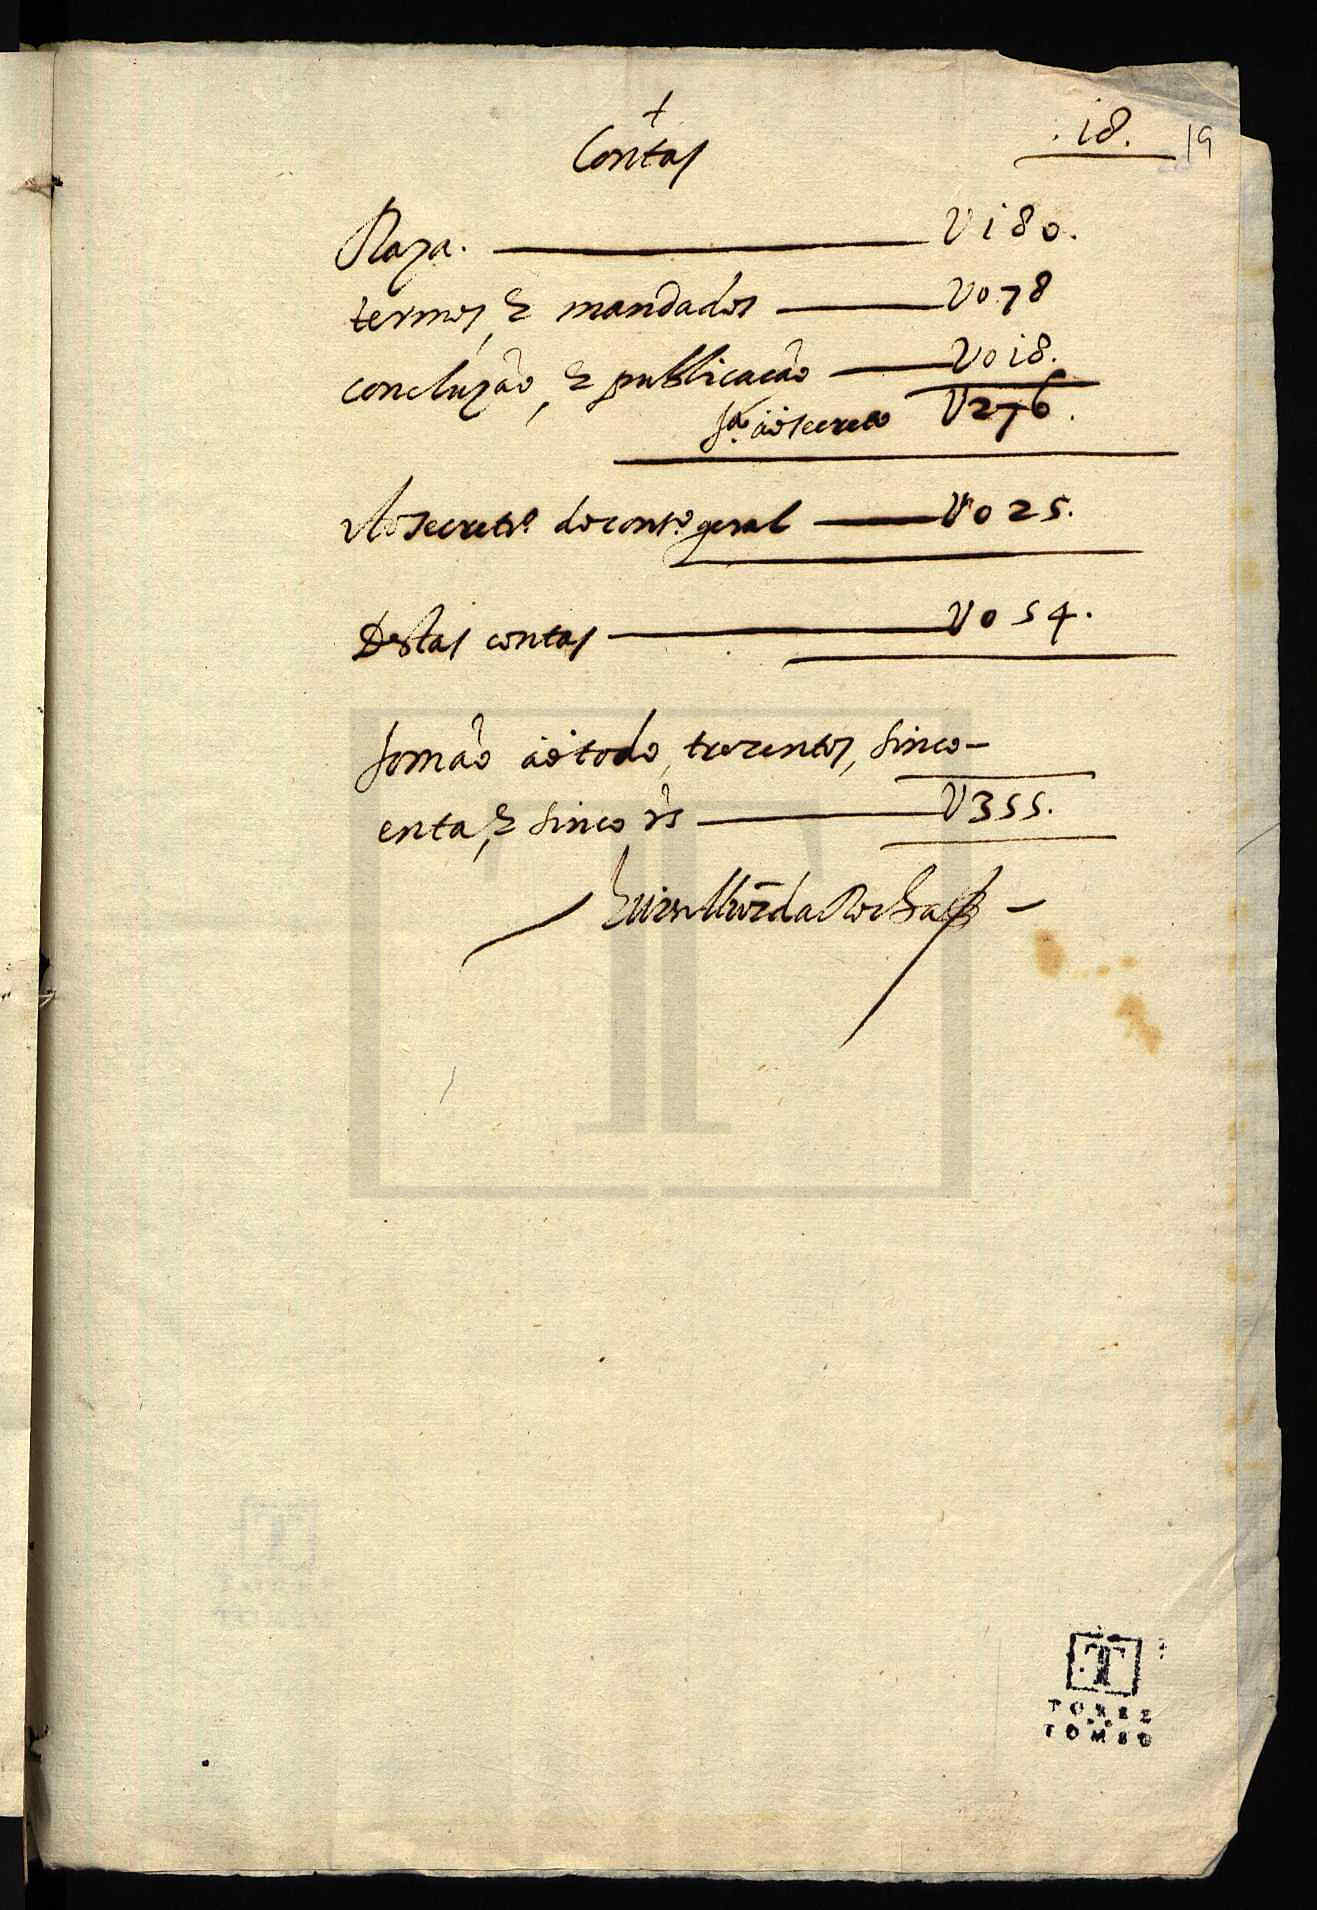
i8.
Contas
$i80.
Raza.
$078
termos, E mandados
$0i8.
concluzaõ, E publicação
$276.
sa. ao secreto
$ 025.
Ao secretr.o do cons.o geral
$054.
Destas contas
somão ao todo, trezentos, sinco
$355.
enta, E sinco rs̄
Luis Aluz̄ da Rocha
